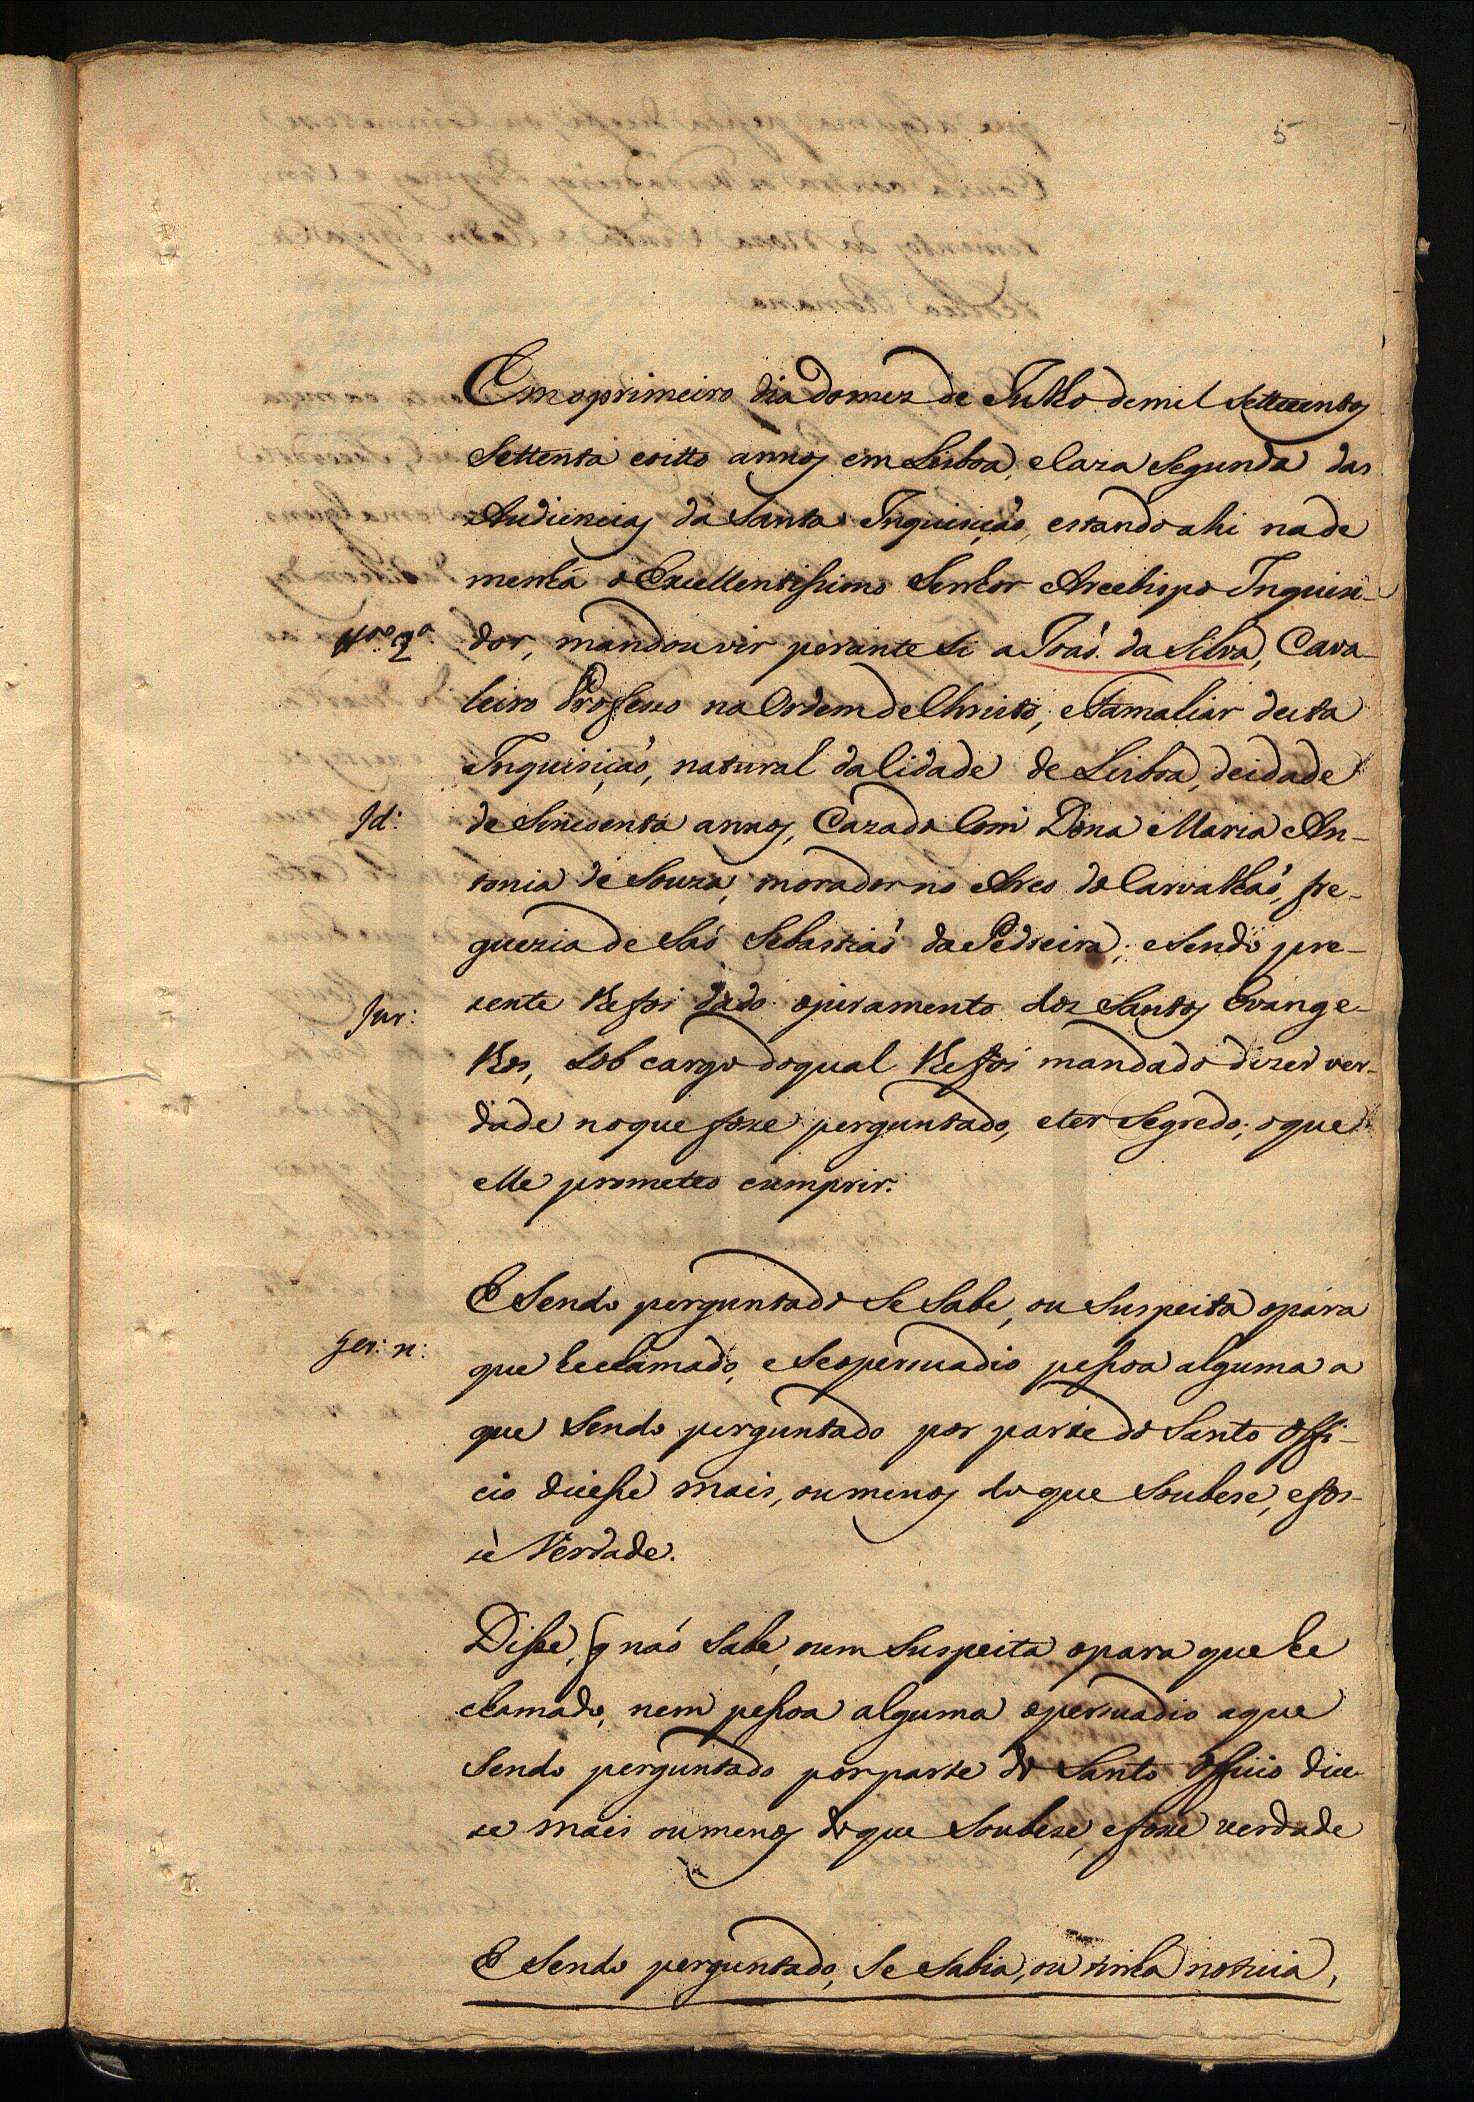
Em o primeiro dia do mez de Iulho de mil Settecentos
Settenta e oitto annos em Lisboa, e Caza Segunda das
Audiencias da Santa Inquisiçaõ, estando ahi na de
menhã o Excellentissimo Senhor Arcebispo Inquisi
tt.a 2a.
dor, mandou vir perante Si a Ioaõ da Silva, Cava
leiro Professo na Ordem de Christo, e Famaliar desta
Inquisiçaõ, natural da Cidade de Lisboa, de idade
Id:
de Sincoenta annos, Cazado Com Dona Maria An
tonia de Souza, morador no Arco do Carvalhaõ, fre
guezia de Saõ Sebastiaõ da Pedreira; e sendo pre
sente lhe foi dado o juramento dos Santos Evange
Iur:
lhos, sob cargo do qual lhe foi mandado dizer ver
dade no que fosse perguntado, e ter Segredo; o que
elle prometeo cumprir.
E Sendo perguntado Se Sabe, ou Suspeita o para
ger: n:
que he chamado, e se o persuadio pessoa alguma a
que sendo perguntado por parte do Santo offi
cio dicesse mais, ou menos do que Soubese, e fos
se Verdade.
Disse, q̄ naõ sabe, nem suspeita o para que he
chamado, nem pessoa alguma o persuadio a que
sendo perguntado por parte do Santo Officio dice
se mais ou menos do que Soubese, e fosse verdade
E Sendo perguntado, Se Sabia, ou tinha noticia,
